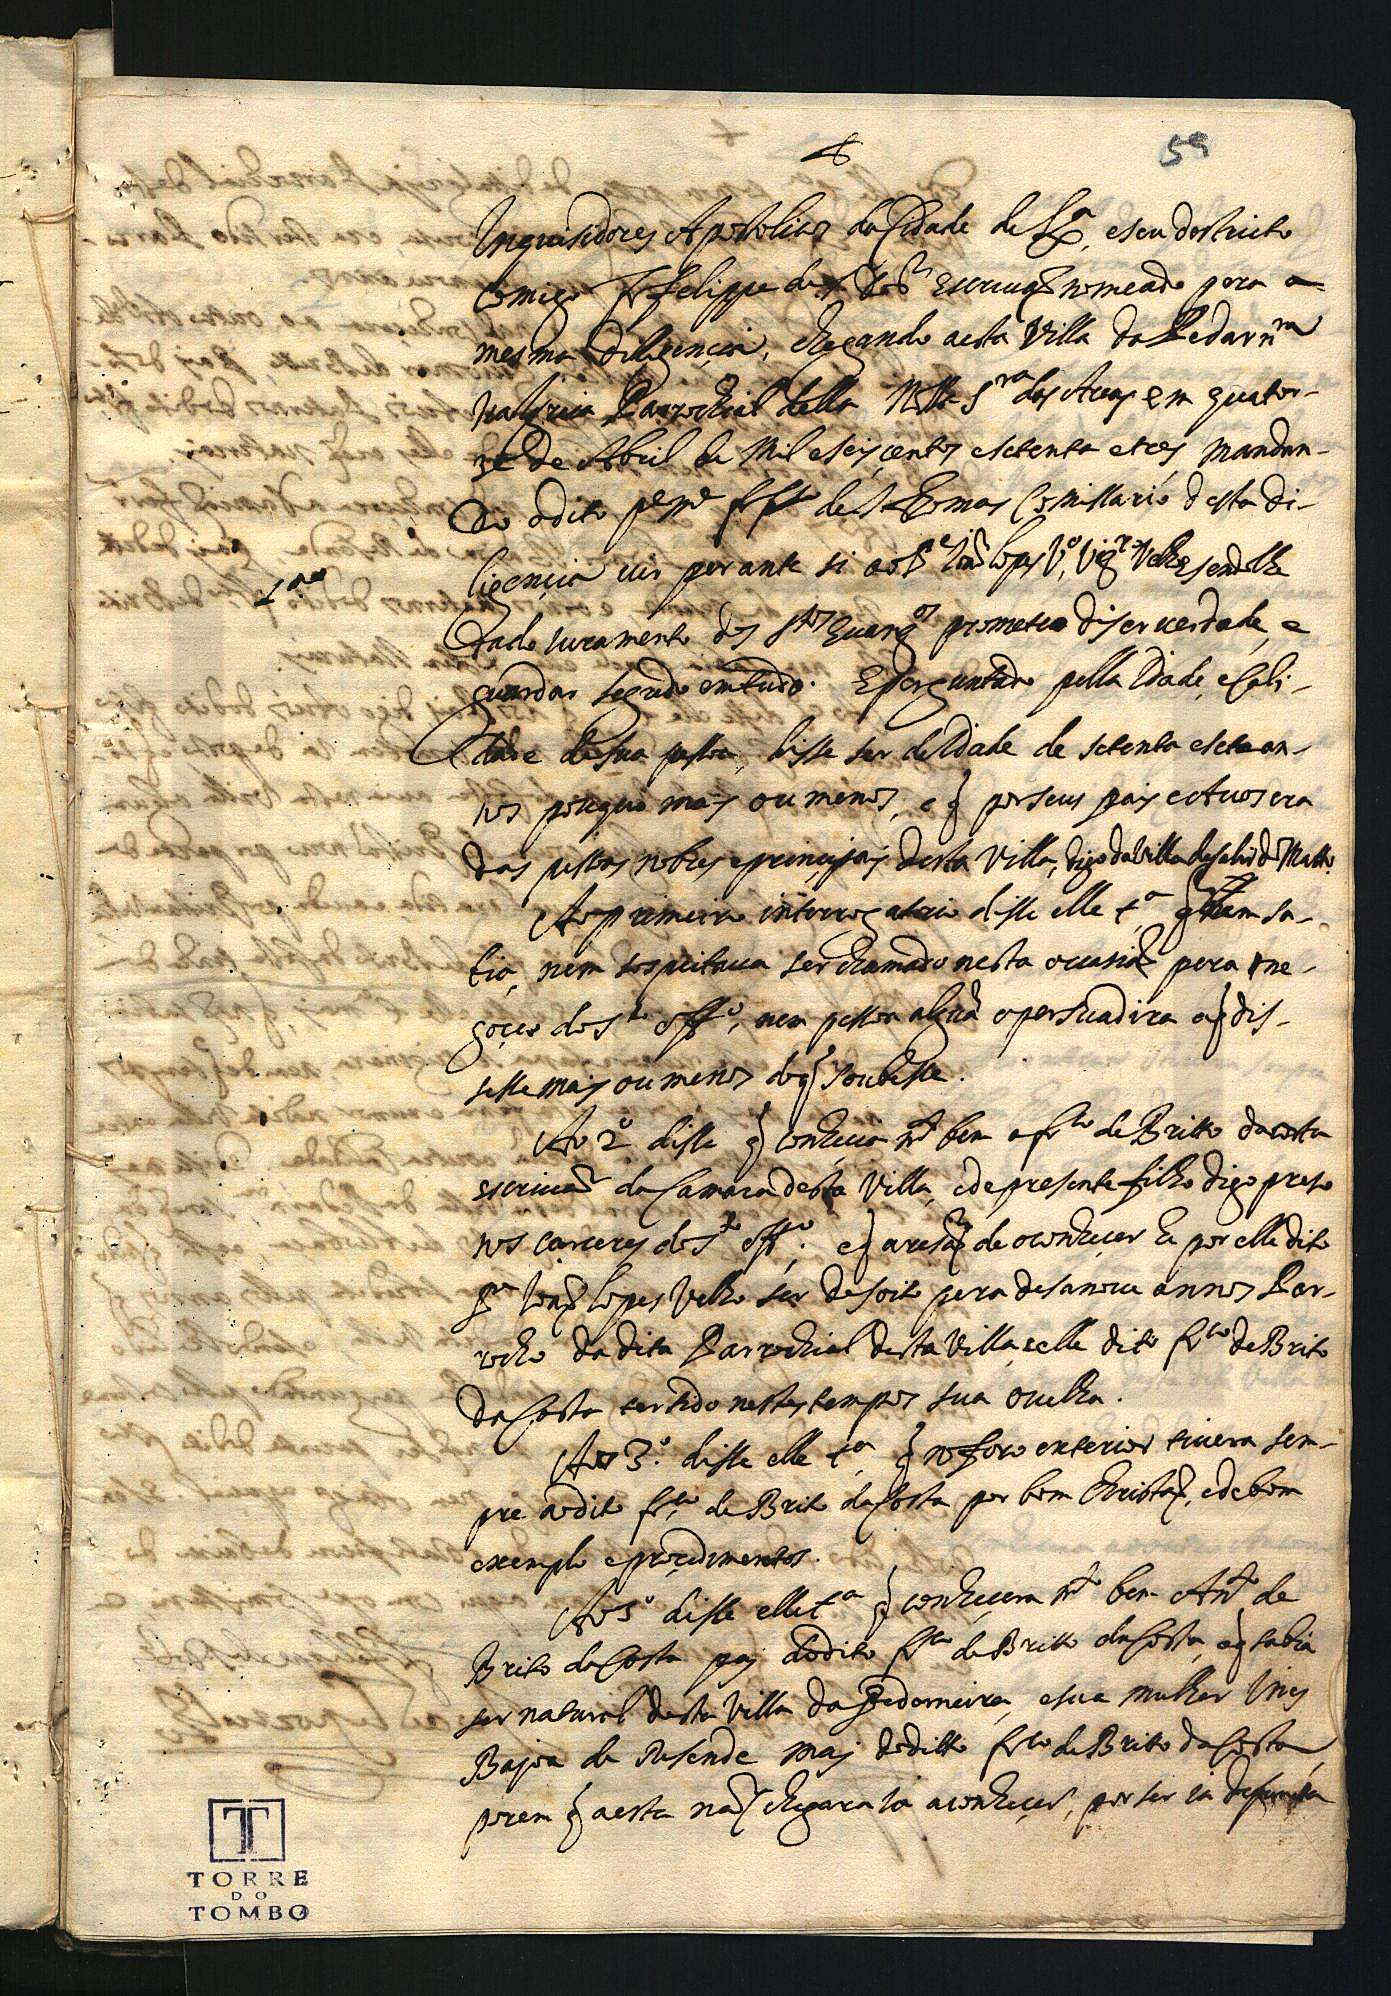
1a.
Inquisidores Apostolicos da Cidade de Lxa. e seu destricto
comigo fr felippe de S. Dos̄ Escriuaõ nomeado para a
mesma diligencia, chegando a esta Villa da Pedarnra
na Igreia Parrochial della nossa Sra das Areas em quator
ze de Abril de mil e seiscentos e setenta e tres mandan
do o dito pe me fr frco de S. thomas Commissario desta di
ligencia uir perante si ao Pe Ioaõ lopes Vo, Vigro velho sendolhe
dado iuramento dos stos Euangos prometeo diser uerdade, e
guardar segredo em tudo. E perguntado pella idade, e Cali
dade de sua pessoa, disse ser de Idade de setenta e sete an
nos pouquo mais ou menos, e q̄ por seus pais e Auos era
das pessoas nobres e principais desta Villa, digo da Villa de salir de Matto
Ao primeiro interrogatorio disse elle ta, q̄ nam sa
bia, nem sospeitaua ser chamado nesta occasiaõ pera ne
goceo do sto offo, nem pessoa alguā o persuadira a q̄ dis
sesse mais ou menos do q̄ soubesse.
Ao 2o disse q̄ conhecia mto bem a frco de Britto da costa
Escriuaõ da Camara desta Villa, e de presente filho digo preso
nos carceres do sto offo. e q̄ a resaõ de o conhecer he por elle dito
pe Ioaõ lopes Velho ser desoito pera desanoue annos Par
rocho da dita Parrochial desta Villa e elle dito frco de Brito
da Costa ter sido nestes tempos sua ouelha.
Aos 3o. disse elle ta, q̄ no foro exterior tiuera sem
pre ao dito fr,co de Brito da Costa por bom christaõ, e de bom
exemplo, e procedimentos.
Ao 5o disse elle ta q̄ conhecera mto bem Anto de
Brito da Costa paj do dito frco de Britto da Costa, e q̄ sabia
ser natural desta Villa da pedorneira, e sua mulher Ines
Bajoa de Resende maj do ditto frco de Britto da Costa
porem q̄ a esta naõ chegara ia a conhecer, por ser ia defunta
